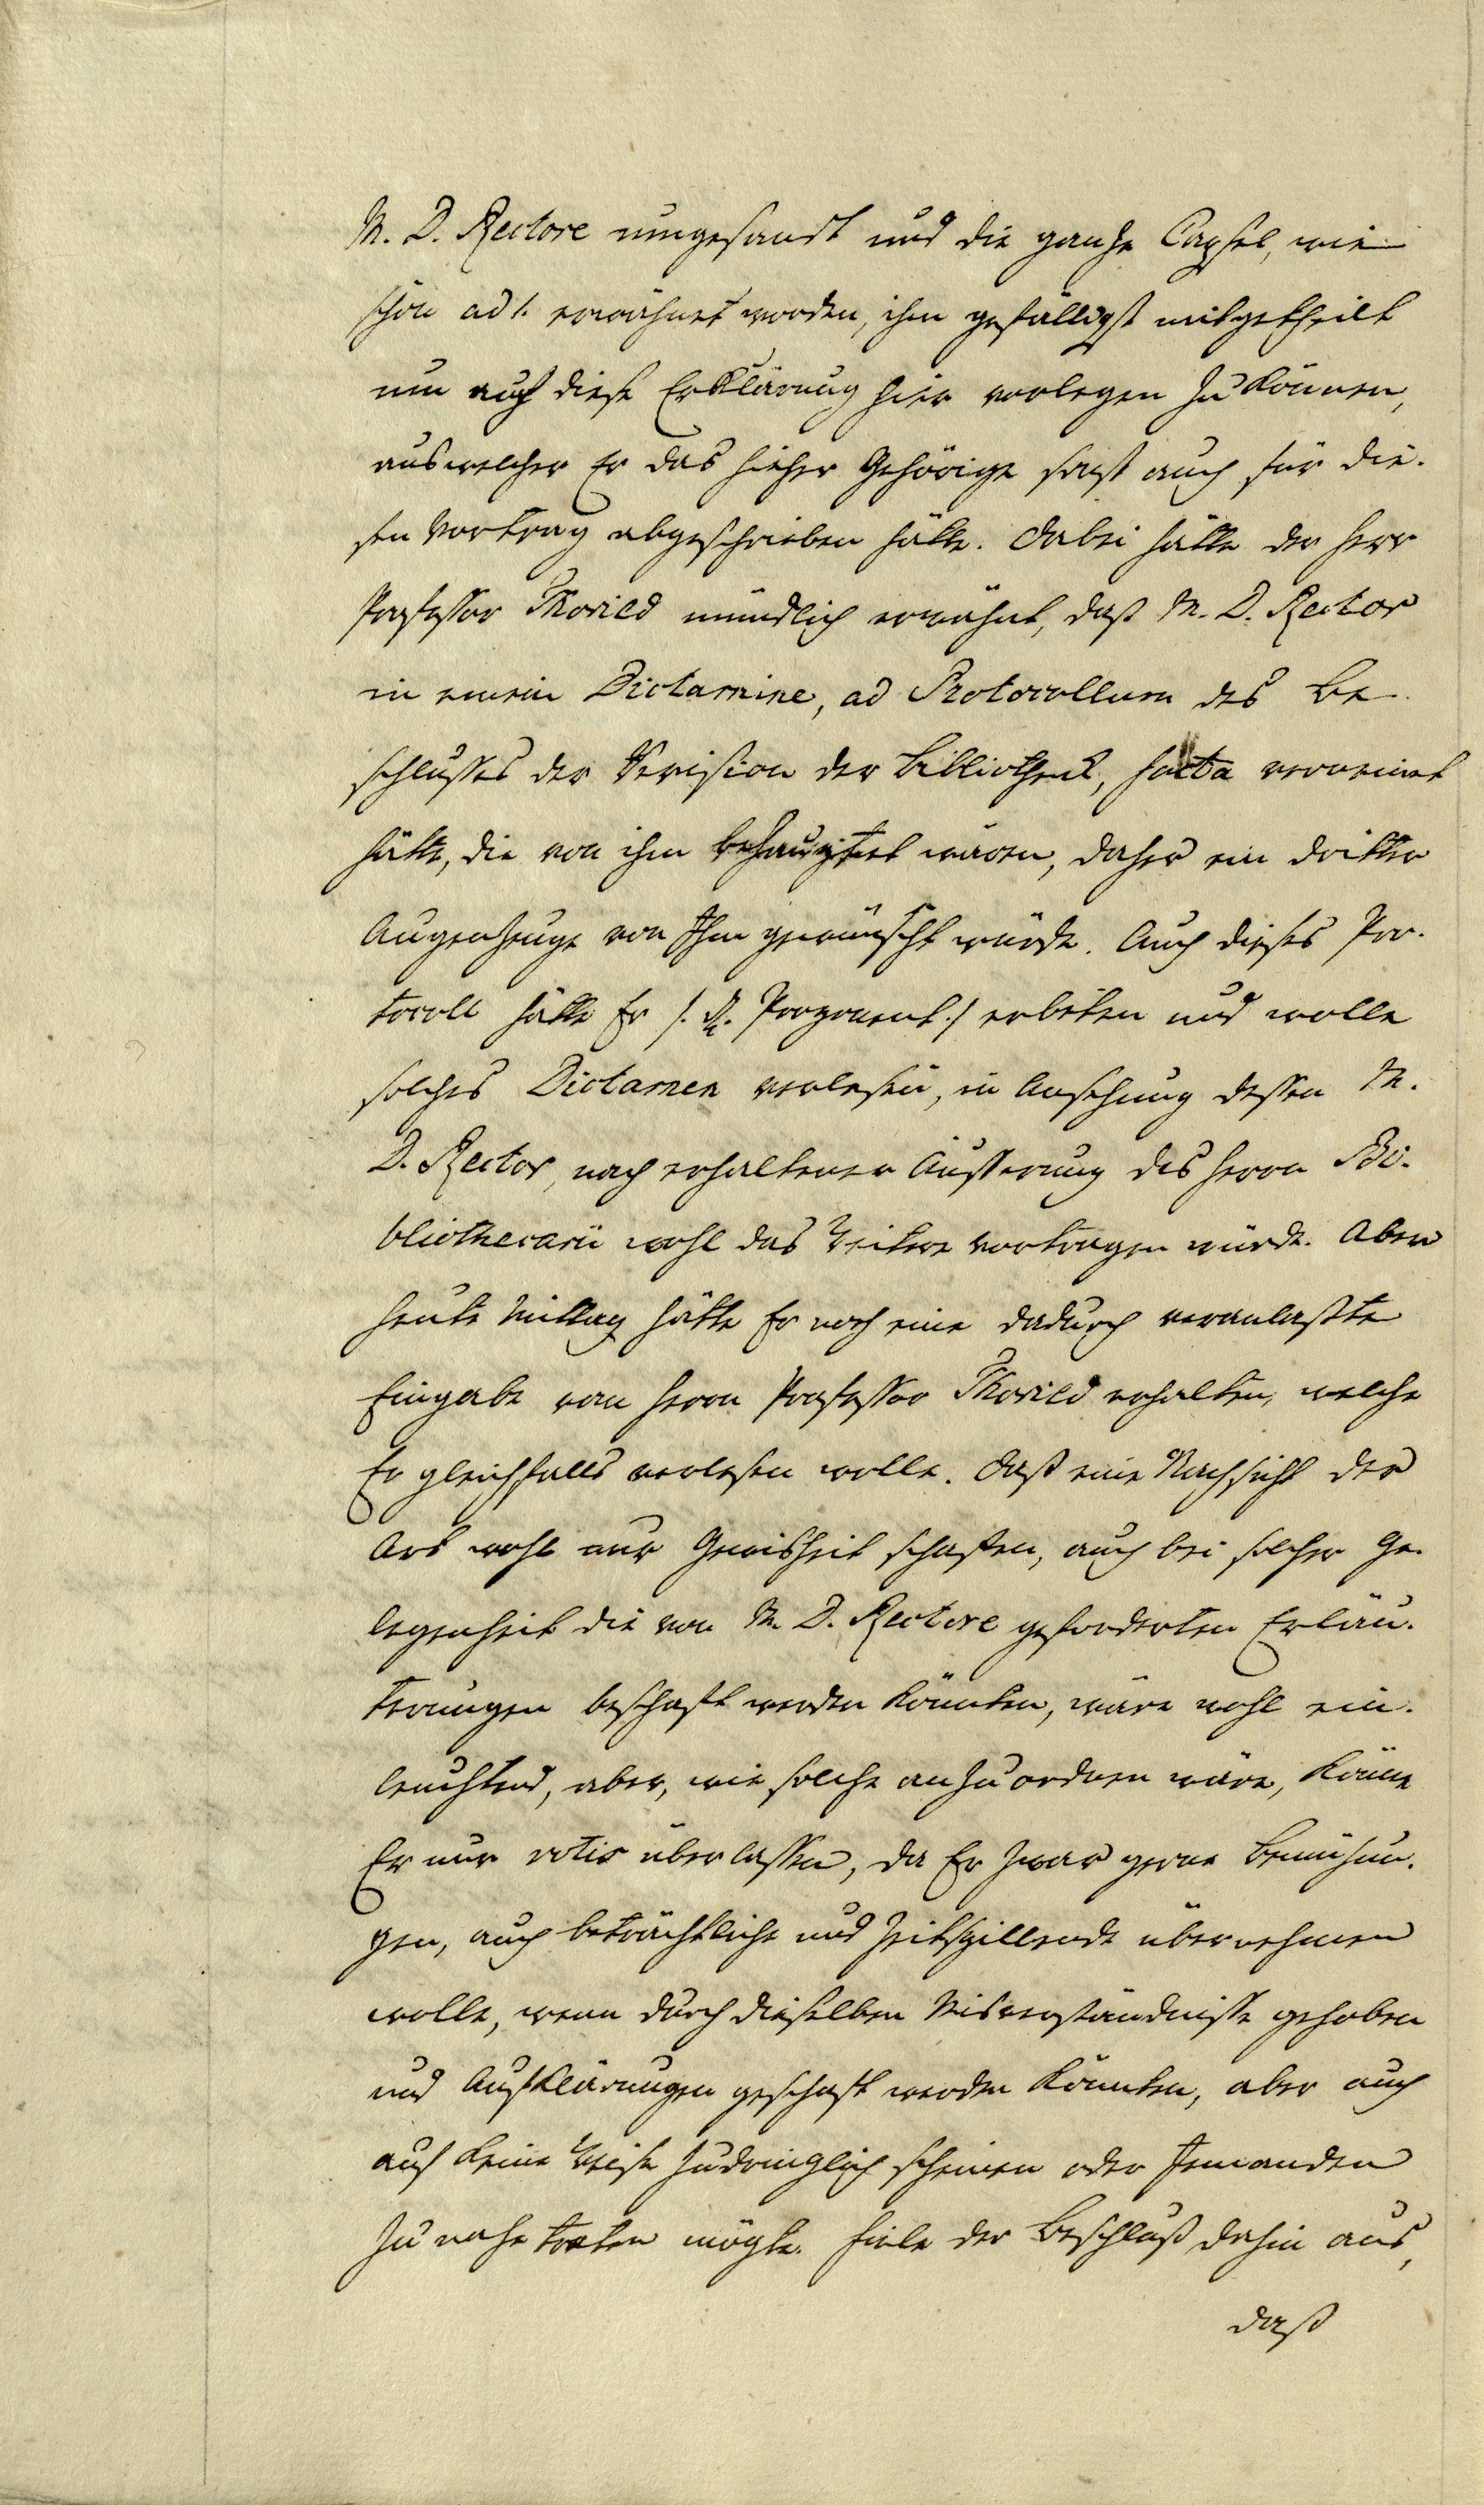M. D. Rectore eingesandt und die ganze Capsel, wie
schon ad 1. erwähnet worden, ihm gefälligst mitgetheilt
um auch diese Erklärung hier vorlegen zu können,
aus welcher Er das hieher Gehörige sonst auch für die¬
sen Vortrag abgeschrieben hätte. Dabei hätte der Herr
Professor Thorild mündlich erwähnt, daß M. D. Rector
in einem Dictamine, ad Protocollum des Be¬
schlusses der Revision der Bibliothek, facta verneinet
hätte, die von Ihm behauptet wären, daher ein dritter
Augenzeuge von Ihm gewünscht würde. Auch dieses Pro¬
tocoll hätte Er /. dh. Proponent ./ erbeten und wolle
solches Dictamen verlesen, in Ansehung dessen M.
D. Rector, nach erhaltener Äusserung des Herrn Bi¬
bliothecarii wohl das Weitere vortragen würde. Aber
heute Mittag hätte Er noch eine dadurch veranlaßte
Eingabe vom Herrn Professor Thorild erhalten, welche
Er gleichfalls verlesen wolle. daß eine Nachsicht der
Art wohl nur Gewisheit schafen, auch bei solcher Ge¬
legenheit die von M. D. Rectore geforderten Erläu¬
terungen beschaft werden könnten, wäre wohl ein¬
leuchtend, aber, wie solche anzuordnen wäre, könne
Er nur votis überlassen, da Er zwar gerne Bemühun¬
gen, auch beträchtliche und Zeitspillende übernehmen
wolle, wenn durch dieselben Misverständnisse gehoben
und Aufklärungen geschaft werden könnten, aber auch
auf keine Weise zudringlich scheinen oder Jemanden
zu nahe treten mögte. Fiele der Beschluß dahin aus,
daß